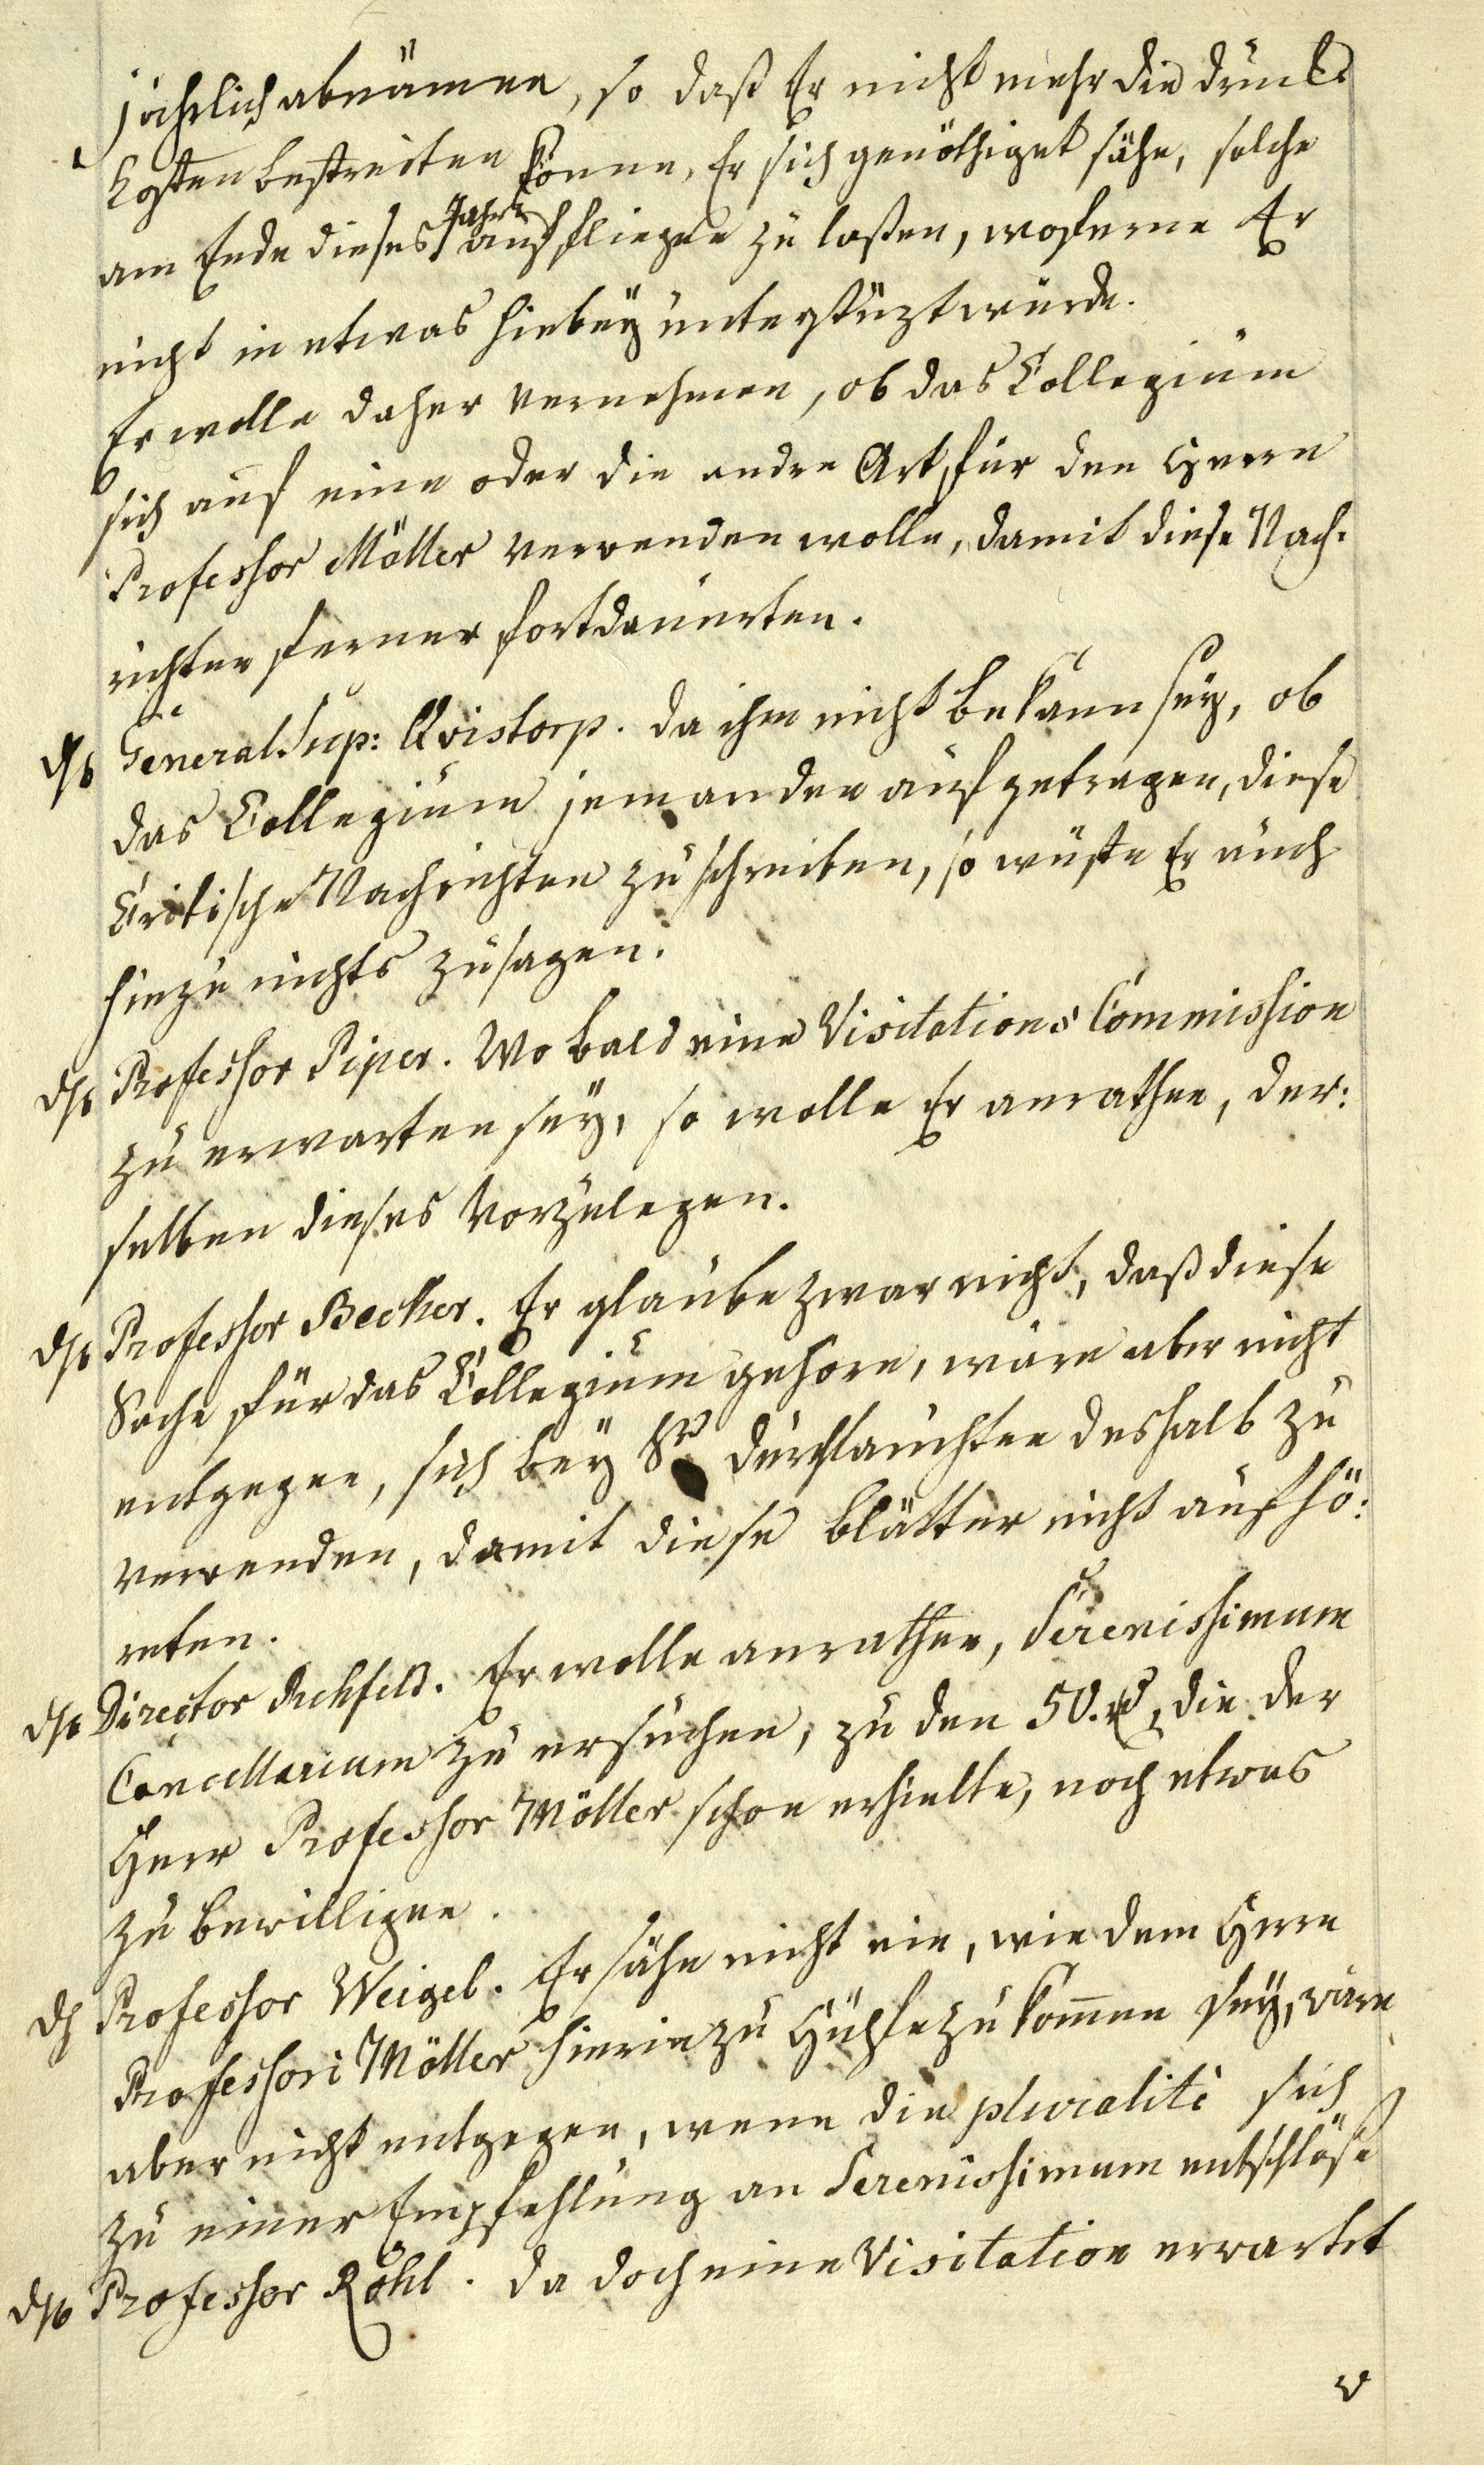jährlich abnämen, so daß Er nicht mehr deie Druck¬
Kosten bestreiten könne, Er sich genöthiget sähe, solche
am Ende dieses Jahrs auffliegen zu laßen, woferne Er
nicht in etwas hiebeÿ unterstüzt würde.
Er wolle daher vernehmen, ob das Collegium
sich auf eine oder die andre Art für den Herrn
Professor Möller verwenden wolle, damit diese Nach¬
richten ferner fortdauerten.
dh GeneralSup. Quistorp. Da ihm nicht bekann seÿ, ob
das Collegium jemanden auf getragen, diese
Critische Nachrichten zu schreiben, so wüßte Er auch
hiezu nichts zusagen.
dh Professor Piper. Wo bald eine Visitations Commission
zu erwarten seÿ, so wolle Er anrathen, der¬
selben dieses vorzulegen.
dh Professor Becker. Er glaube zwar nicht, daß diese
Sache für das Collegium gehöre, wäre aber nicht
entgegen, sich beÿ Sr Durchlauchten deshalb zu
verwenden, damit die sie Blätter nicht aufhö¬
reten.
dh. Director Rehfeld. Er wolle anrathen, Serenissimum
Cancellarium zu ersuchen, zu den 50. r, die der
Herr Professor Möller schon erhielte, noch etwas
zu bewilligen.
dh Professor Weigel. Er sähe nicht ein, wie dem Herrn
Professori Möller hierin zu Hülfe zu komen seÿ, wäre
aber nicht entgegen, wenn die pluralite sich
zu einer Empfehlung an Serenissimum entschlöße
dh Professor Röhl. Da doch eine Visitation erwartet
w